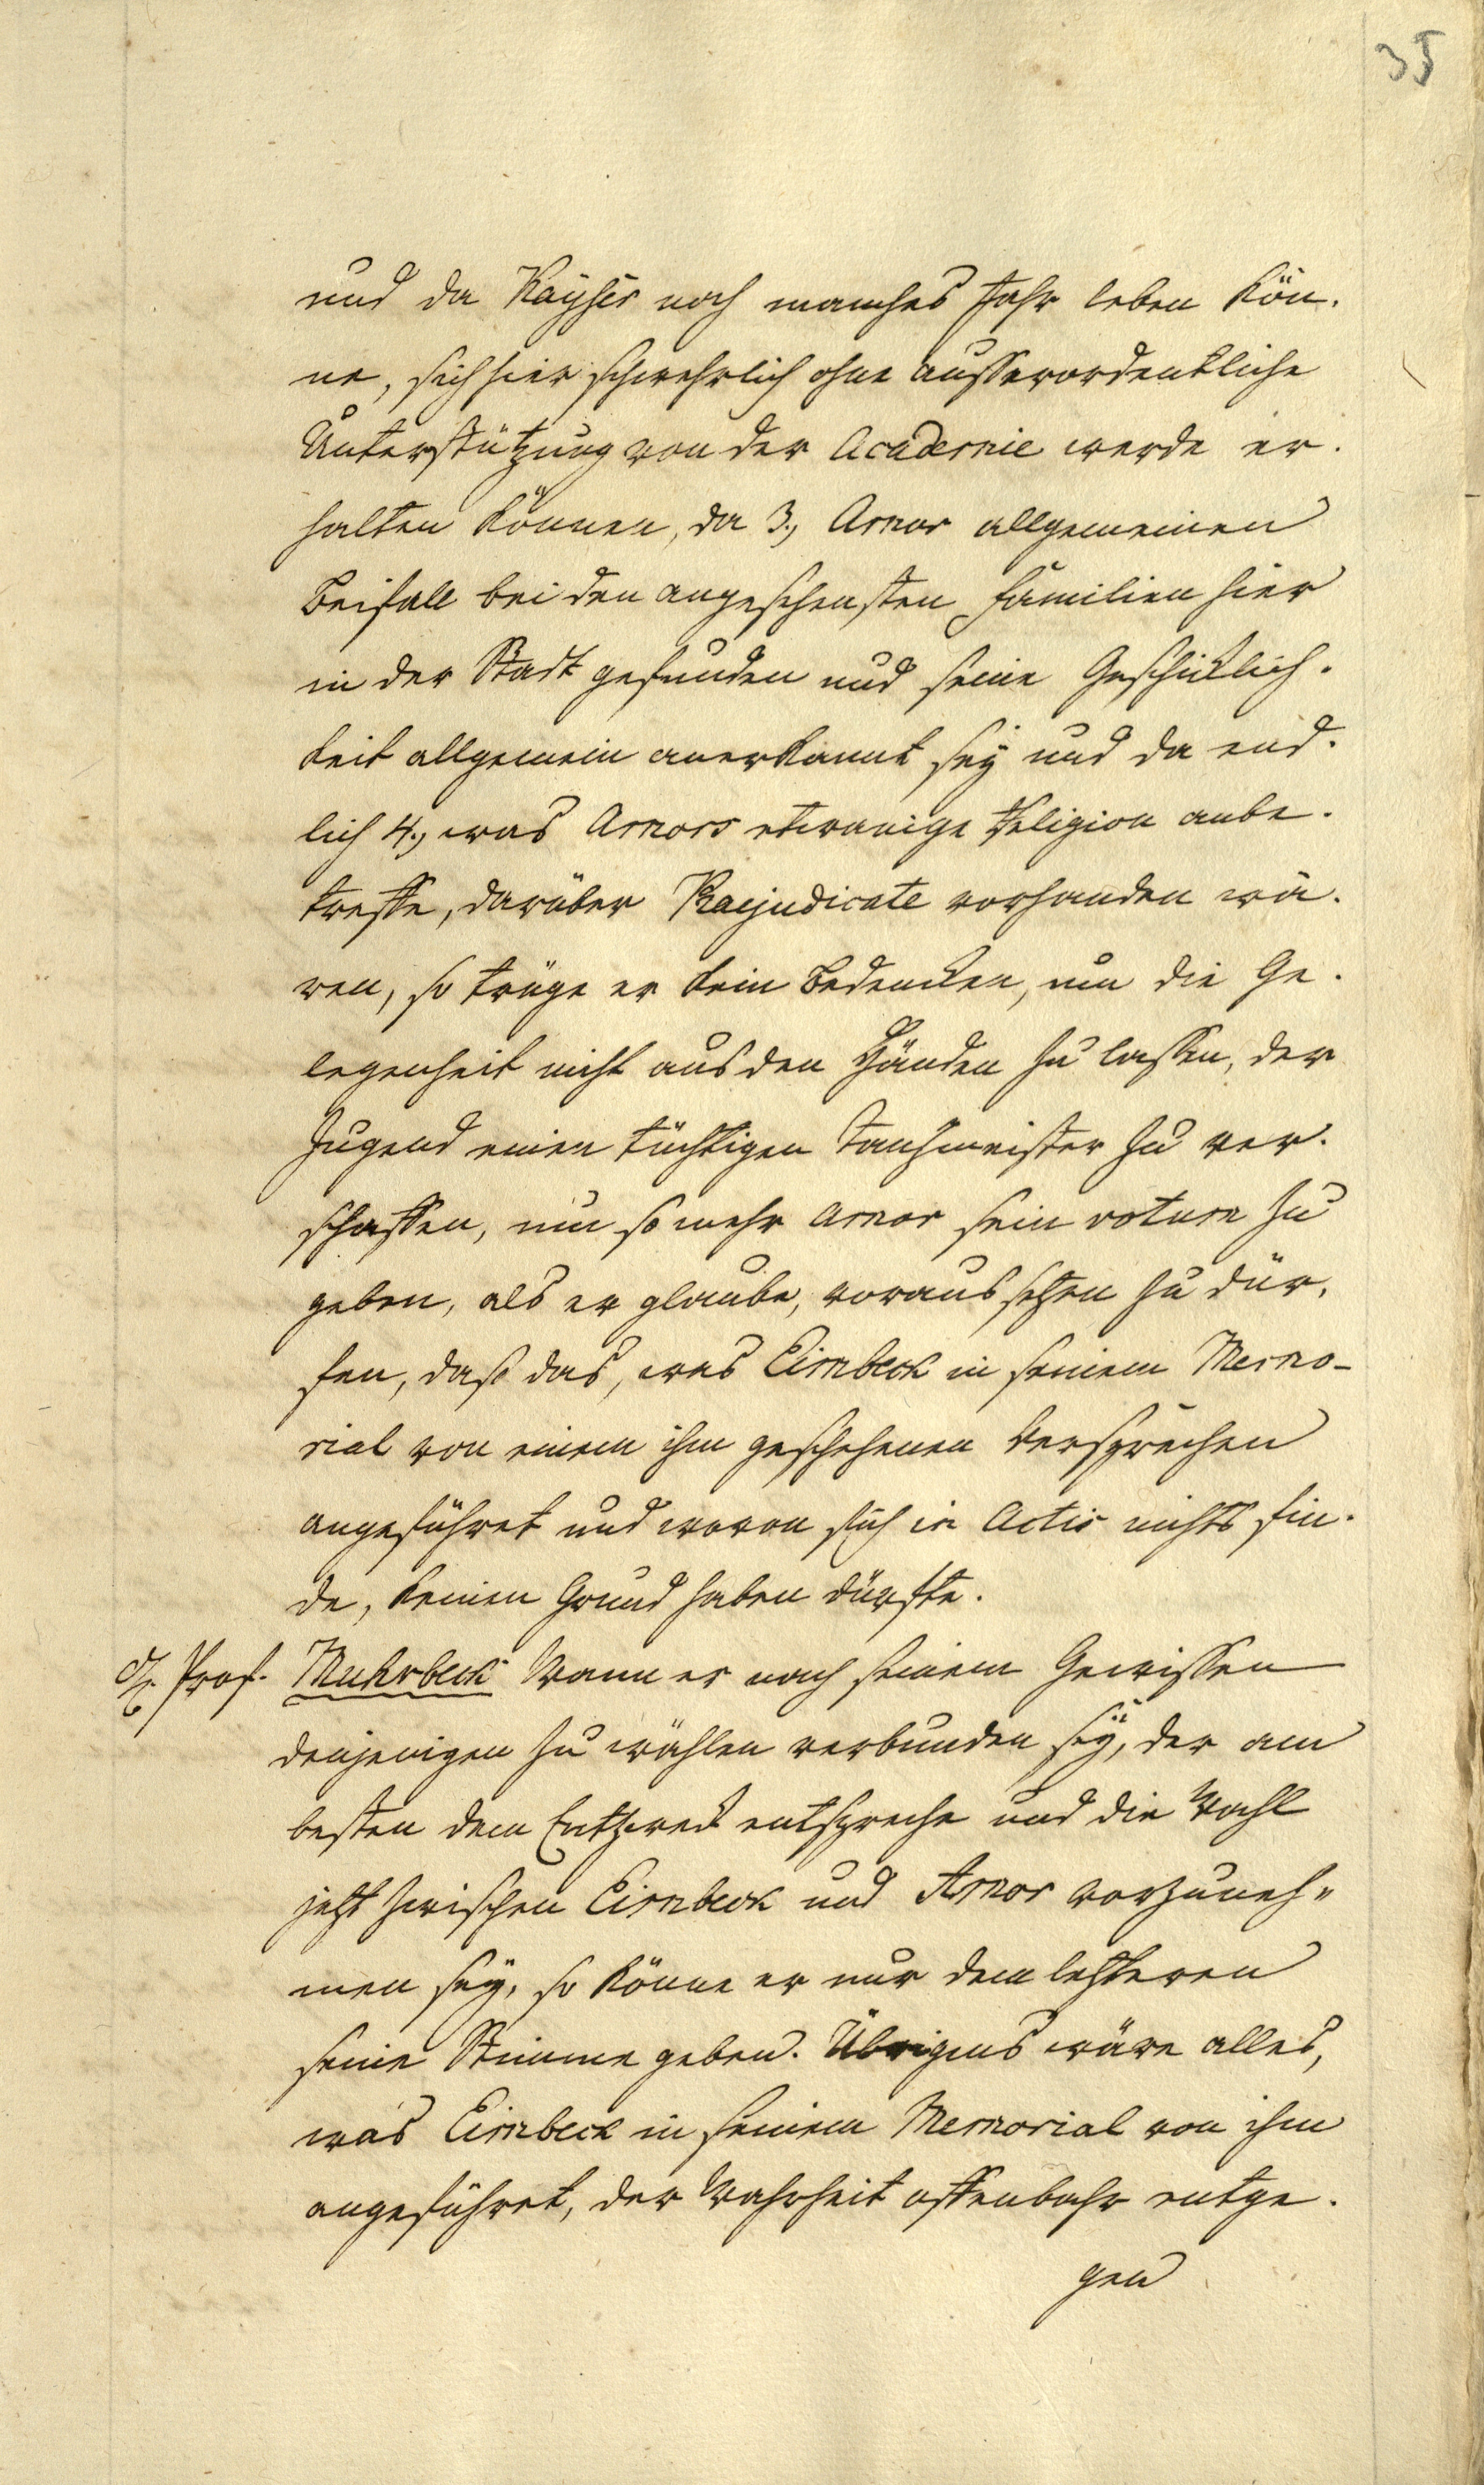und da Kayer noch manches Jahr leben kön-
ne, sich hier schwehrlich ohne ausserordentliche
Unterstützung von der Academie werden er-
halten können, da 3., Amor allgemeinen
Beifall bei den angesehensten Familien hier
in der Stadt gefunden und seine Geschicklich-
keit allgemein anerkannt sey und da end-
lich 4., was Amors etwanige Religion anbe-
treffe, darüber Praejudicate vohanden wä-
ren, so trüge er kein Bedenken, um die Ge-
legeneheit nicht aus den Händen zu lassen, der
Jugend einen tüchtigne Tanzmeister zu ver-
schaffen, um so mehr Amor sein votum zu
geben, als er glaube, voraussehen zu dür-
fen, daß das, was Eimbeck in seinem Memo-
rial von einem ihm geschehenen Versprechen
angeführet und wovon sich in Actis nichts fin-
de, keinen Grund haben dürfte
dh. Prof. Muhrbeck Wann er nach seinem Gewissen
denjenigen zu wählen verbunden sey, der am
besten dem Entzwek entspreche und die Wahl
jetzt zwischen Eimbeck und Amor vorzuneh-
men sey, so könne er nur dem letzteren
seine Stimme geben. Übrigens wäre alles,
was Eimbeck in seinem Memorial von ihm
angeführet, der Wahrheit offenbahr entge-
gen